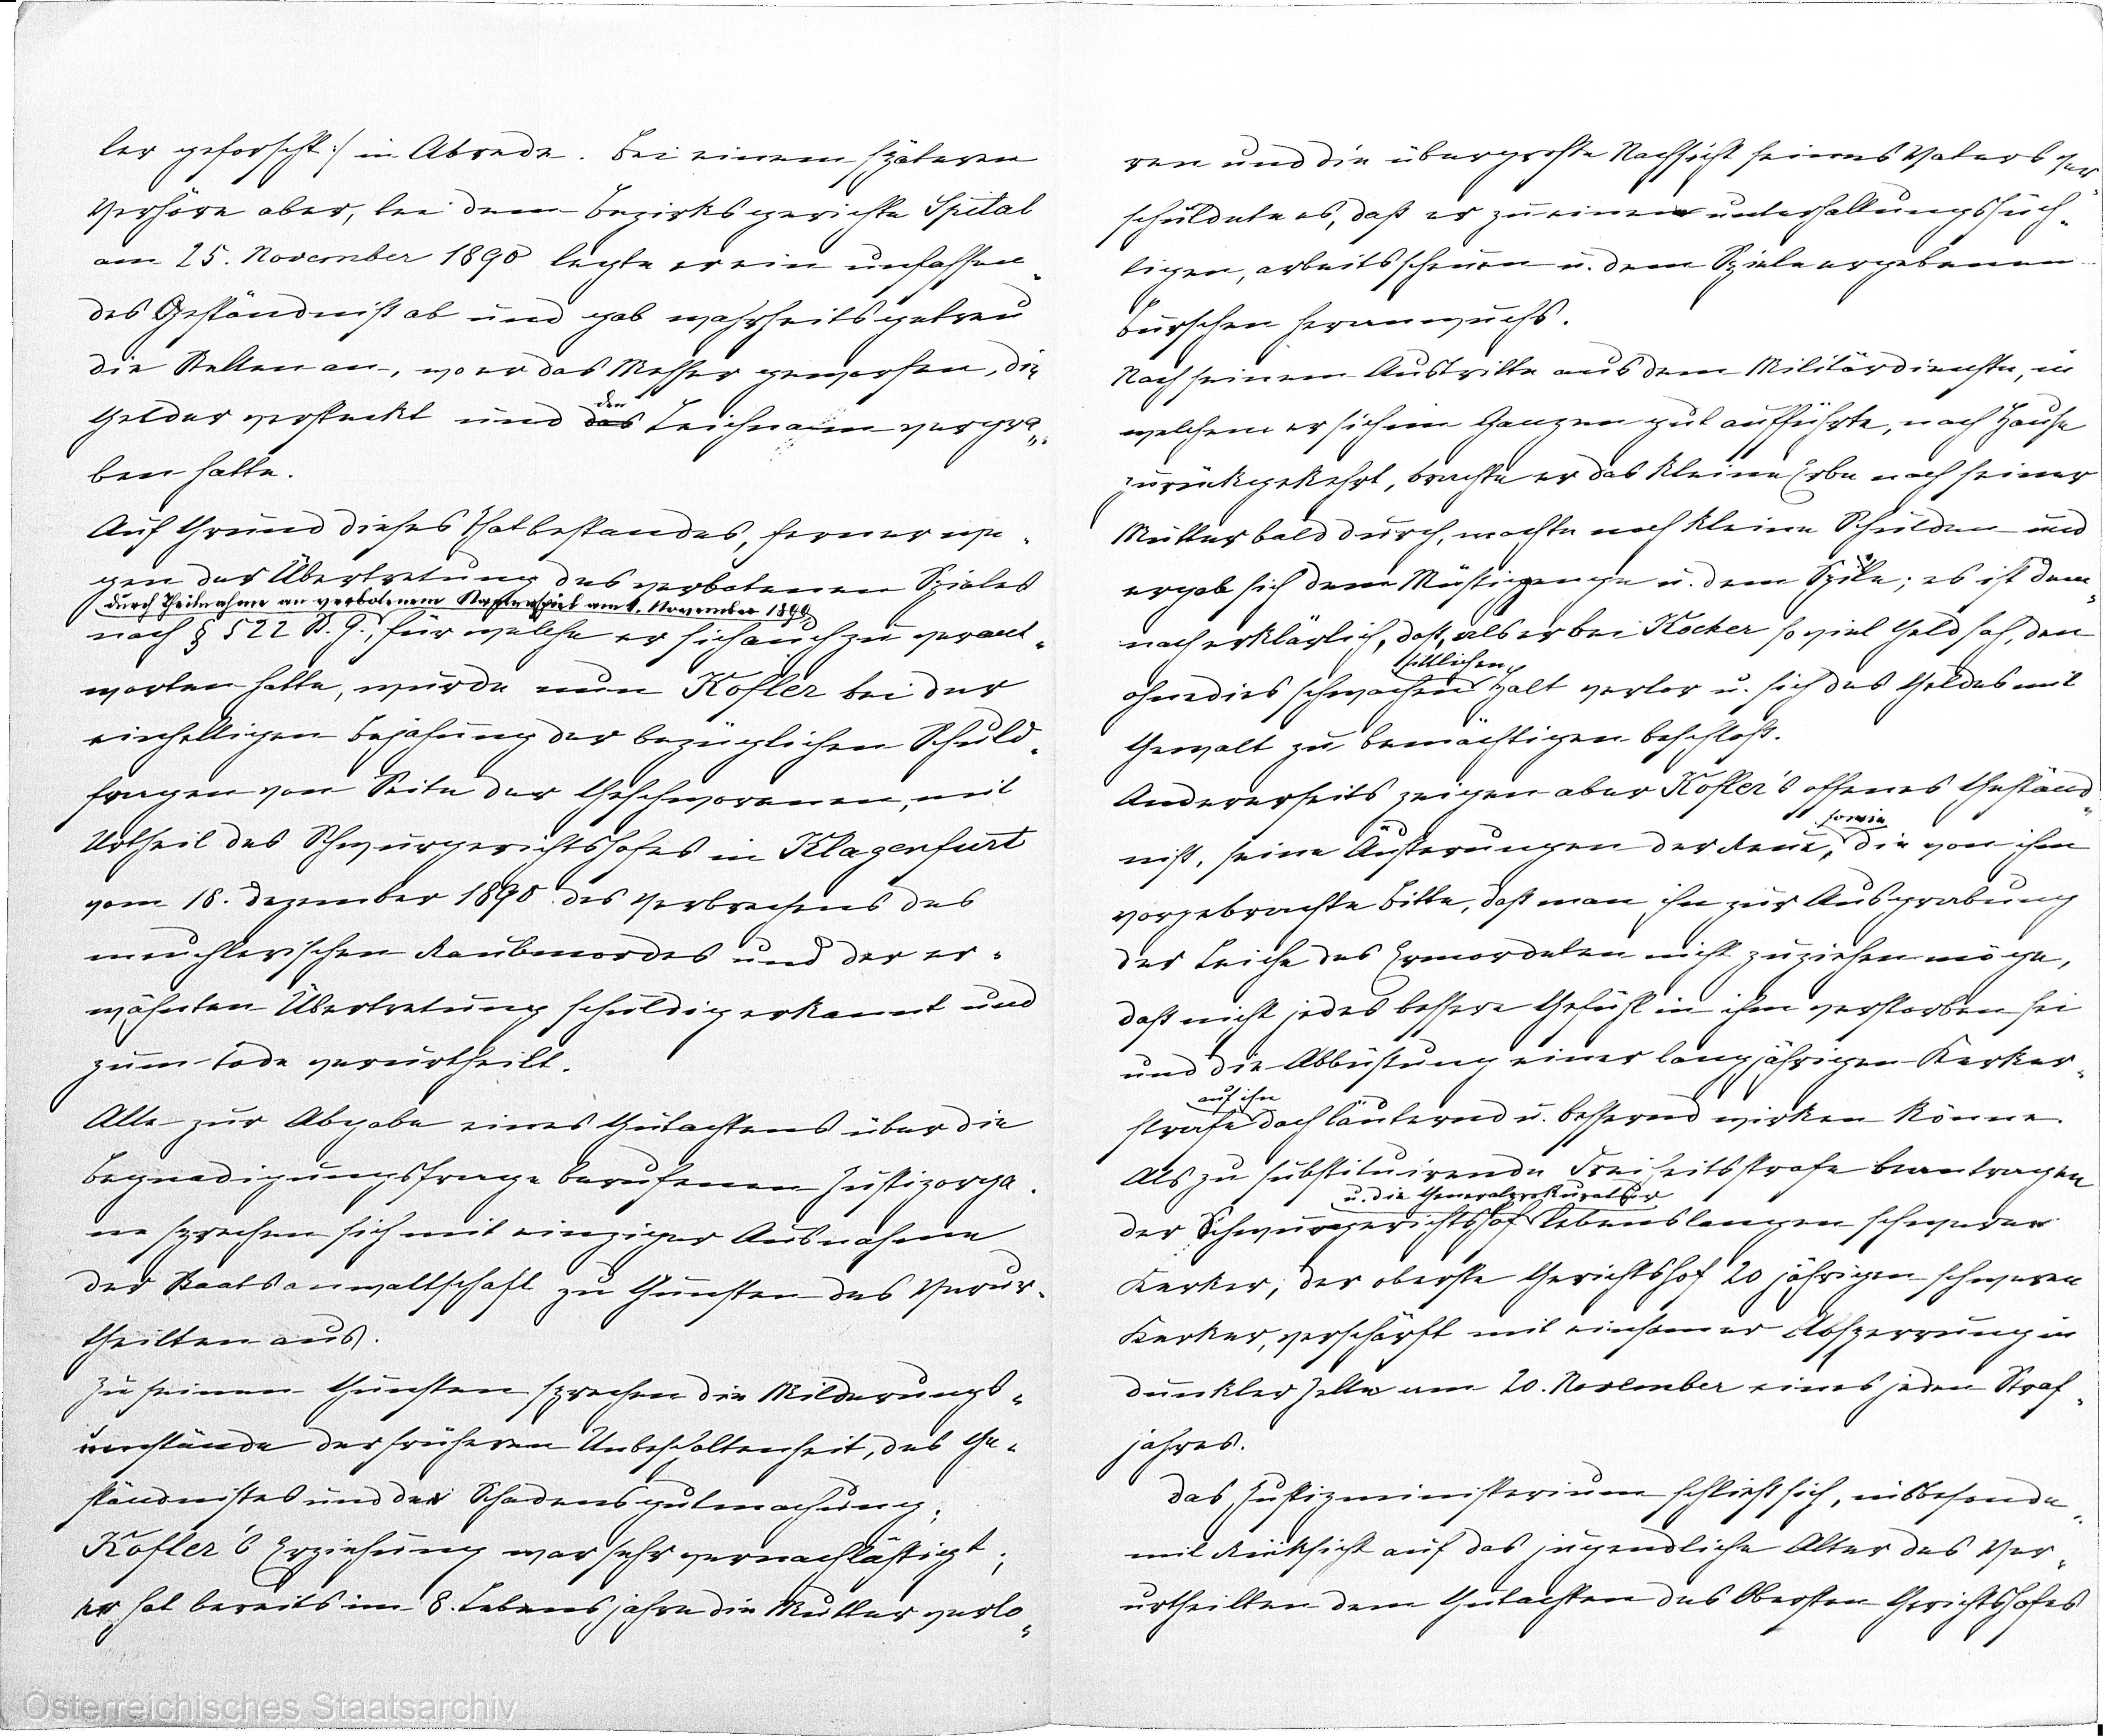ler geforscht) in Abrede. Bei einem späteren
Verhöre aber, bei dem Bezirksgerichte Spital
am 25. November 1890 legte er ein umfassen¬
des Geständnis ab und gab wahrheitsgetreu
die Stellen an, wo er das Messer geworfen, die
den
Gelder versteckt und Leichnam vergra¬
ben hatte.
Auf Grund dieses Thatbestandes, ferner we¬
gen des Übertretung des verbotenen Spieles
durch Theilnahme an verbotenem Staarspiel? Am 1. November 1899,
nach §522 St G. für welche er sich auch zu verant¬
worten hatte, wurde nun Kofler bei der
einhelligen Bejahung der bezüglichen Schuld¬
fragen von Seite der Geschworenen, mit
Urtheil des Schwurgerichtshofes in Klagenfurt
vom 18. Dezember 1898 des Verbrechens des
meuchlerischen Raubmordes und der er¬
wähnten Übertretung schuldig erkannt und
zum Tode verurtheilt.
Alle zur Abgabe eines Gutachtens über die
Begnadigungsfrage berufenen Justizorga¬
ne sprachen sich mit einziger Ausnahme
der Staatanwaltschaft zu Gunsten des Verur¬
theilten aus.
Zu seinen Gunsten sprachen die Milderungs¬
umstände der früheren Unbescholtenheit, das Ge¬
ständnisses und der Schadensgutmachung;
Kofler’s Erziehung war sehr vernachlässigt;
er hat bereits im 8. Lebensjahr die Mutter verlo¬
ren und die übergroße Nachsicht seines Vaters ver¬
schuldete es, daß er zu einer unterhaltungssüch¬
tigen, arbeitsscheuen u. dem Spiele ergebenen
Burschen heranwuchs.
Nach seinem Austritte aus dem Militärdienste, in
welchem er sich im Ganzen gut aufführte, nach Hause
zurückgekehrt, brachte er das kleine Erbe nach seiner
Mutter bald durch , machte noch kleine Schulden und
ergab sich dem Müßiggange u. dem Spiele; es ist dem¬
nach erklärlich, daß als er bei Kocher so viel Geld sah, den
sittlichen
ohnedies schwachen Halt verlor u sich des Geldes mit
Gewalt zu bemächtigen beschloß.
Andererseits zeigen aber Kofler’s offenes Geständ¬
sowie
niß, seine Äußerungen der Dank, die von ihm
vorgebrachte Bitte, daß man ihn zur Ausgrabung
der Leiche des Ermordeten nicht zuziehen möge,
daß nicht jedes bessere Gefühl in ihm verstorben sei
und die Abbüßung einer langjährigen Kerker¬
auf ihn
strafe doch läuternd u bessernd wirken könne.
Als zu substituirende Freiheitsstrafe beantragen
u die Generalprokuratur
der Schwurgerichtshof lebenslangen schweren
Kerker, der oberste Gerichtshof 20 jährigen schweren
Kerker, verschärft mit einsamer Absperrung in
dunkler Zelle am 20. November eines jeden Straf¬
jahres.
Das Justizministerium schließt sich, insbesondere
mit Rücksicht auf das jugendliche Alter das Ver¬
urtheilten dem Gutachten des Obersten Gerichsthofes